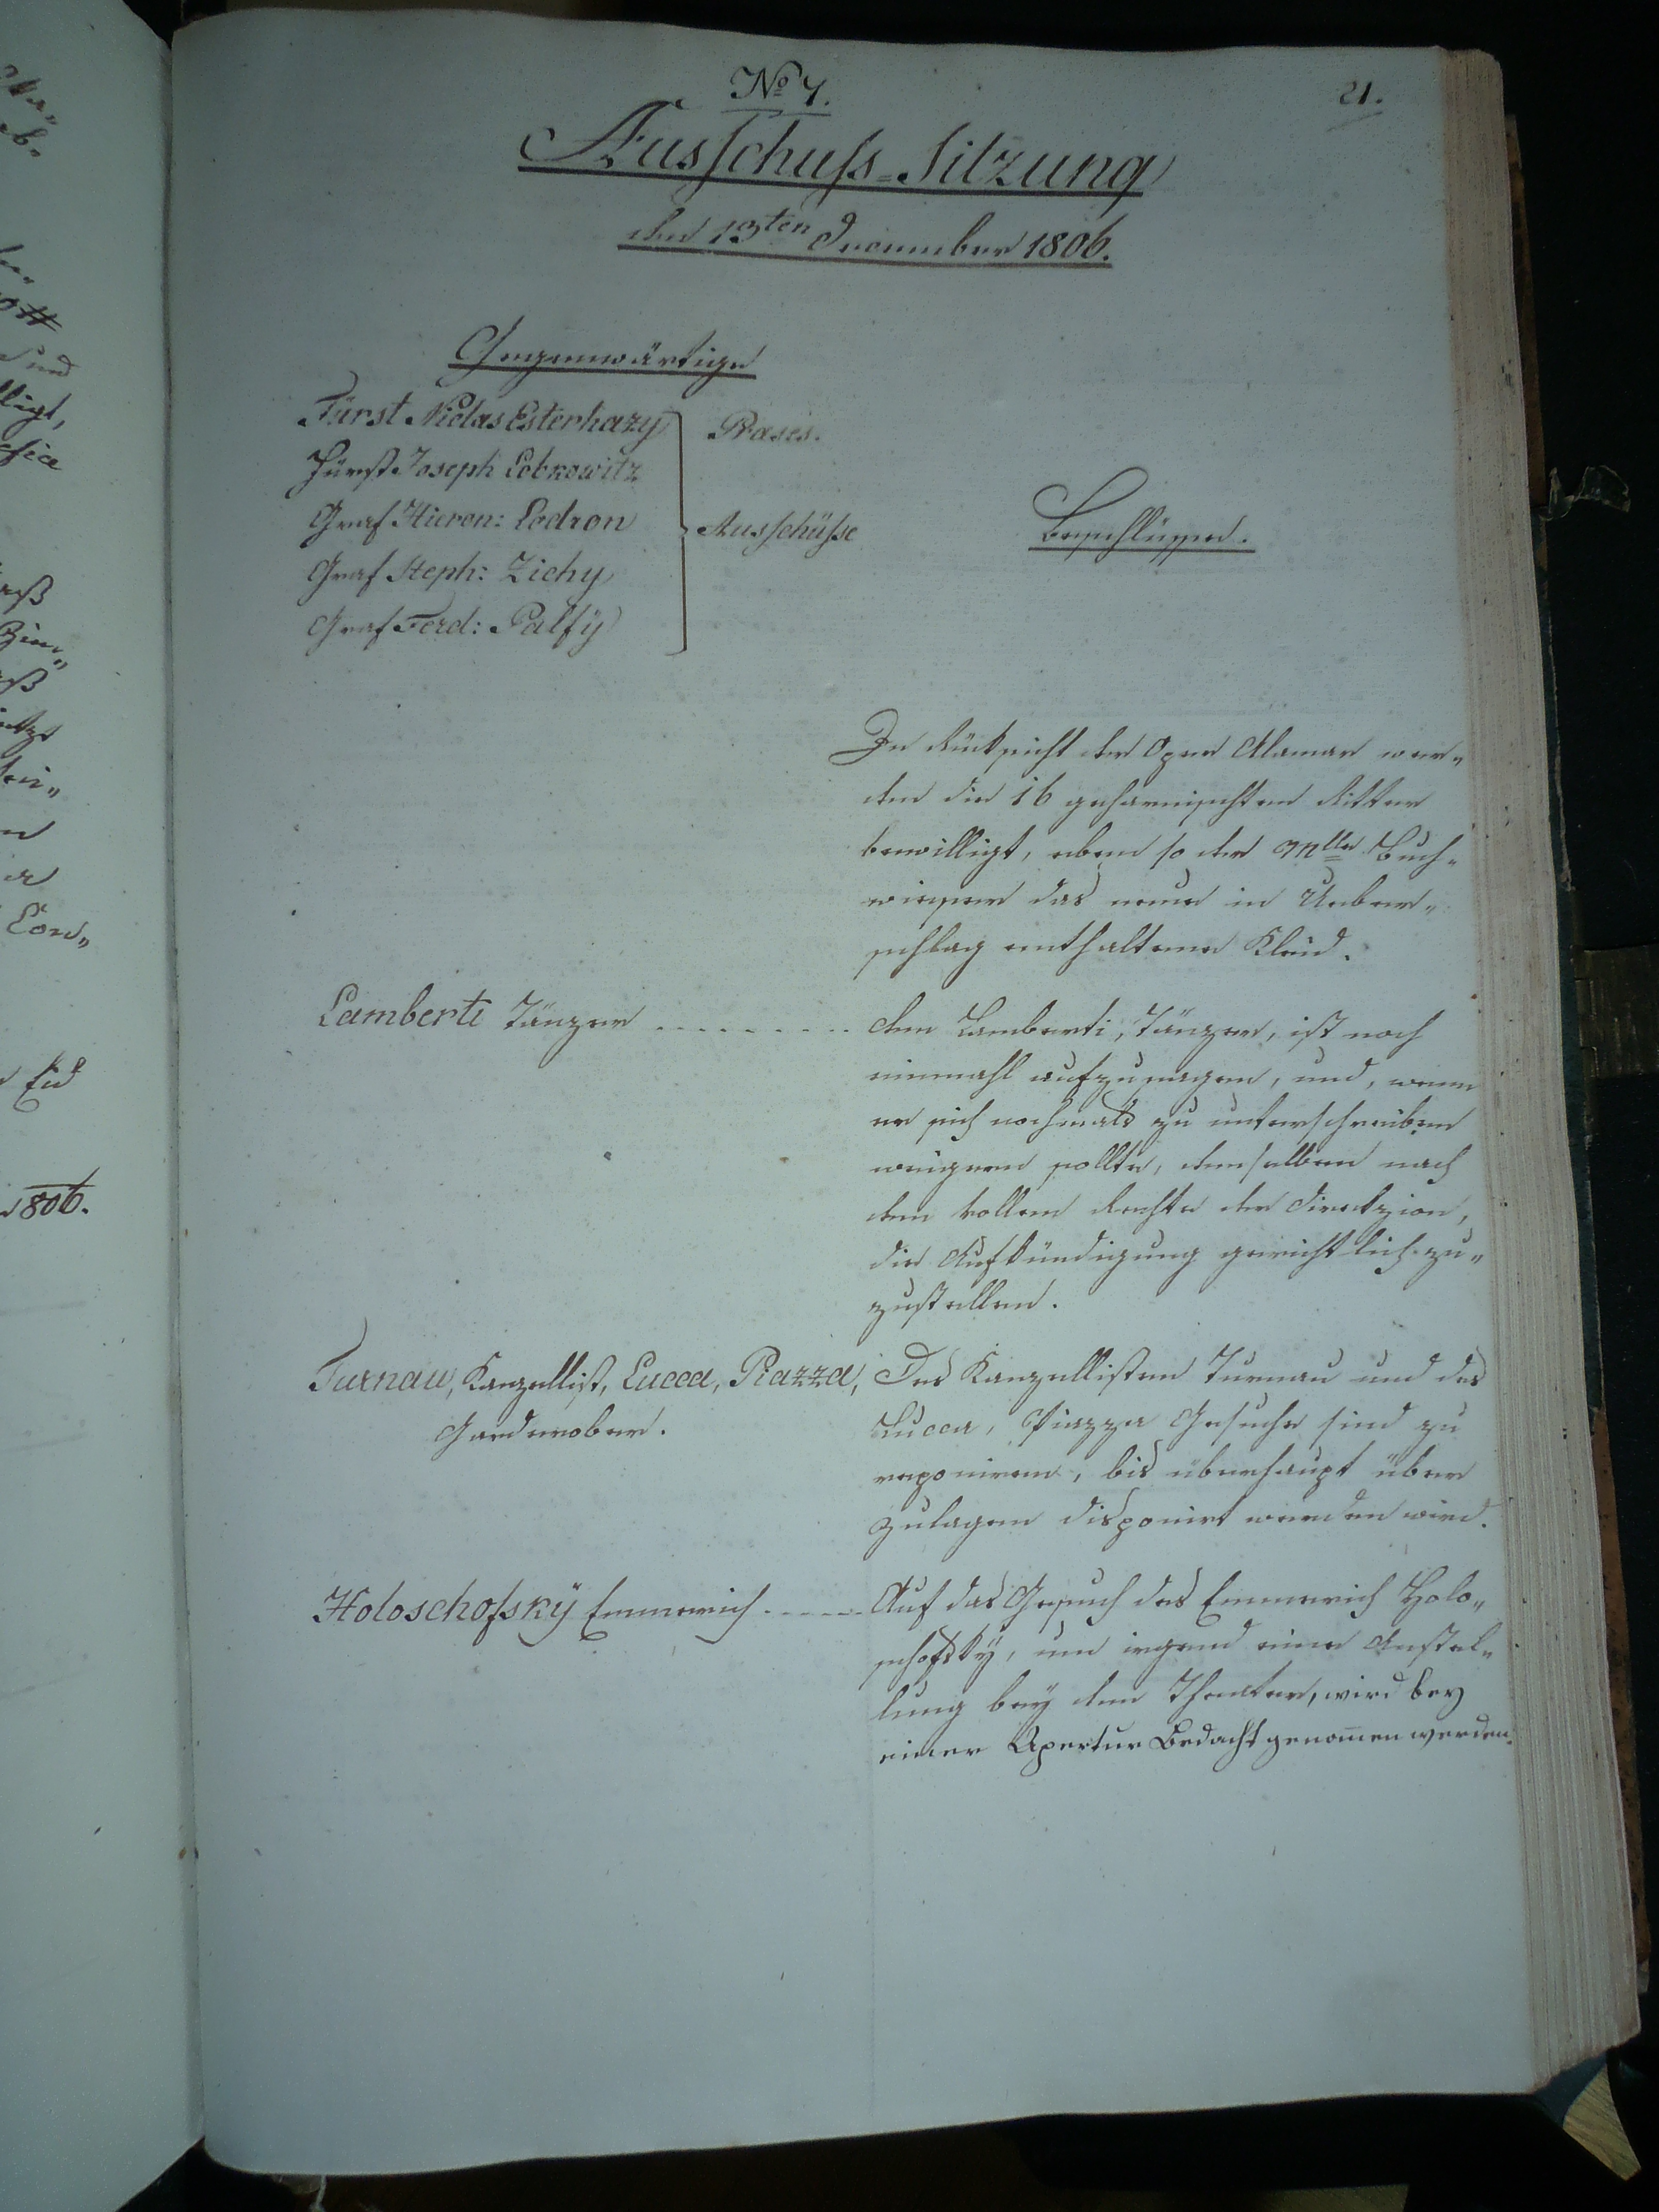21.
No͇ 7.
Ausschuss‗Sitzung
den 13te͇n Dezember 1806.
Gegenwärtige
Fürst Niclas Esterhazy Præses.
Fürst Joseph Lobkowitz
Graf Hieron: Lodron
Graf Steph: Zichy
Graf Ferd: Palfy
Ausschüsse
Beschlüsse.
In Rücksicht der Oper Alamar wer¬
den die 16 geharnischten Ritter
bewilligt, eben so der Mll͇e Buch¬
wieser das neue in Ueber¬
schlag enthaltene Kleid.
Lamberti Tänzer ……… Dem Lamberti, Tänzer, ist noch
einmahl aufzusagen, und, wenn
er sich nochmals zu unterschreiben
weigern sollte, demselben nach
dem vollem Rechte der Direkzion,
die Aufkündigung gerichtlich zu¬
zustellen.
Turnau, Kanzellist, Lucca, Piazza,
Garderober.
Des Kanzellisten Turnau und des
Lucca, Piazza Gesuche sind zu
reponiren, bis überhaupt über
Zulagen disponirt werden wird.
Holoschofsky Emmerich …… Auf das Gesuch des Emmerich Holo¬
schofsky, um irgend eine Anstel¬
lung bey dem Theater, wird bey
einer Apertur Bedacht genom̅en werden.